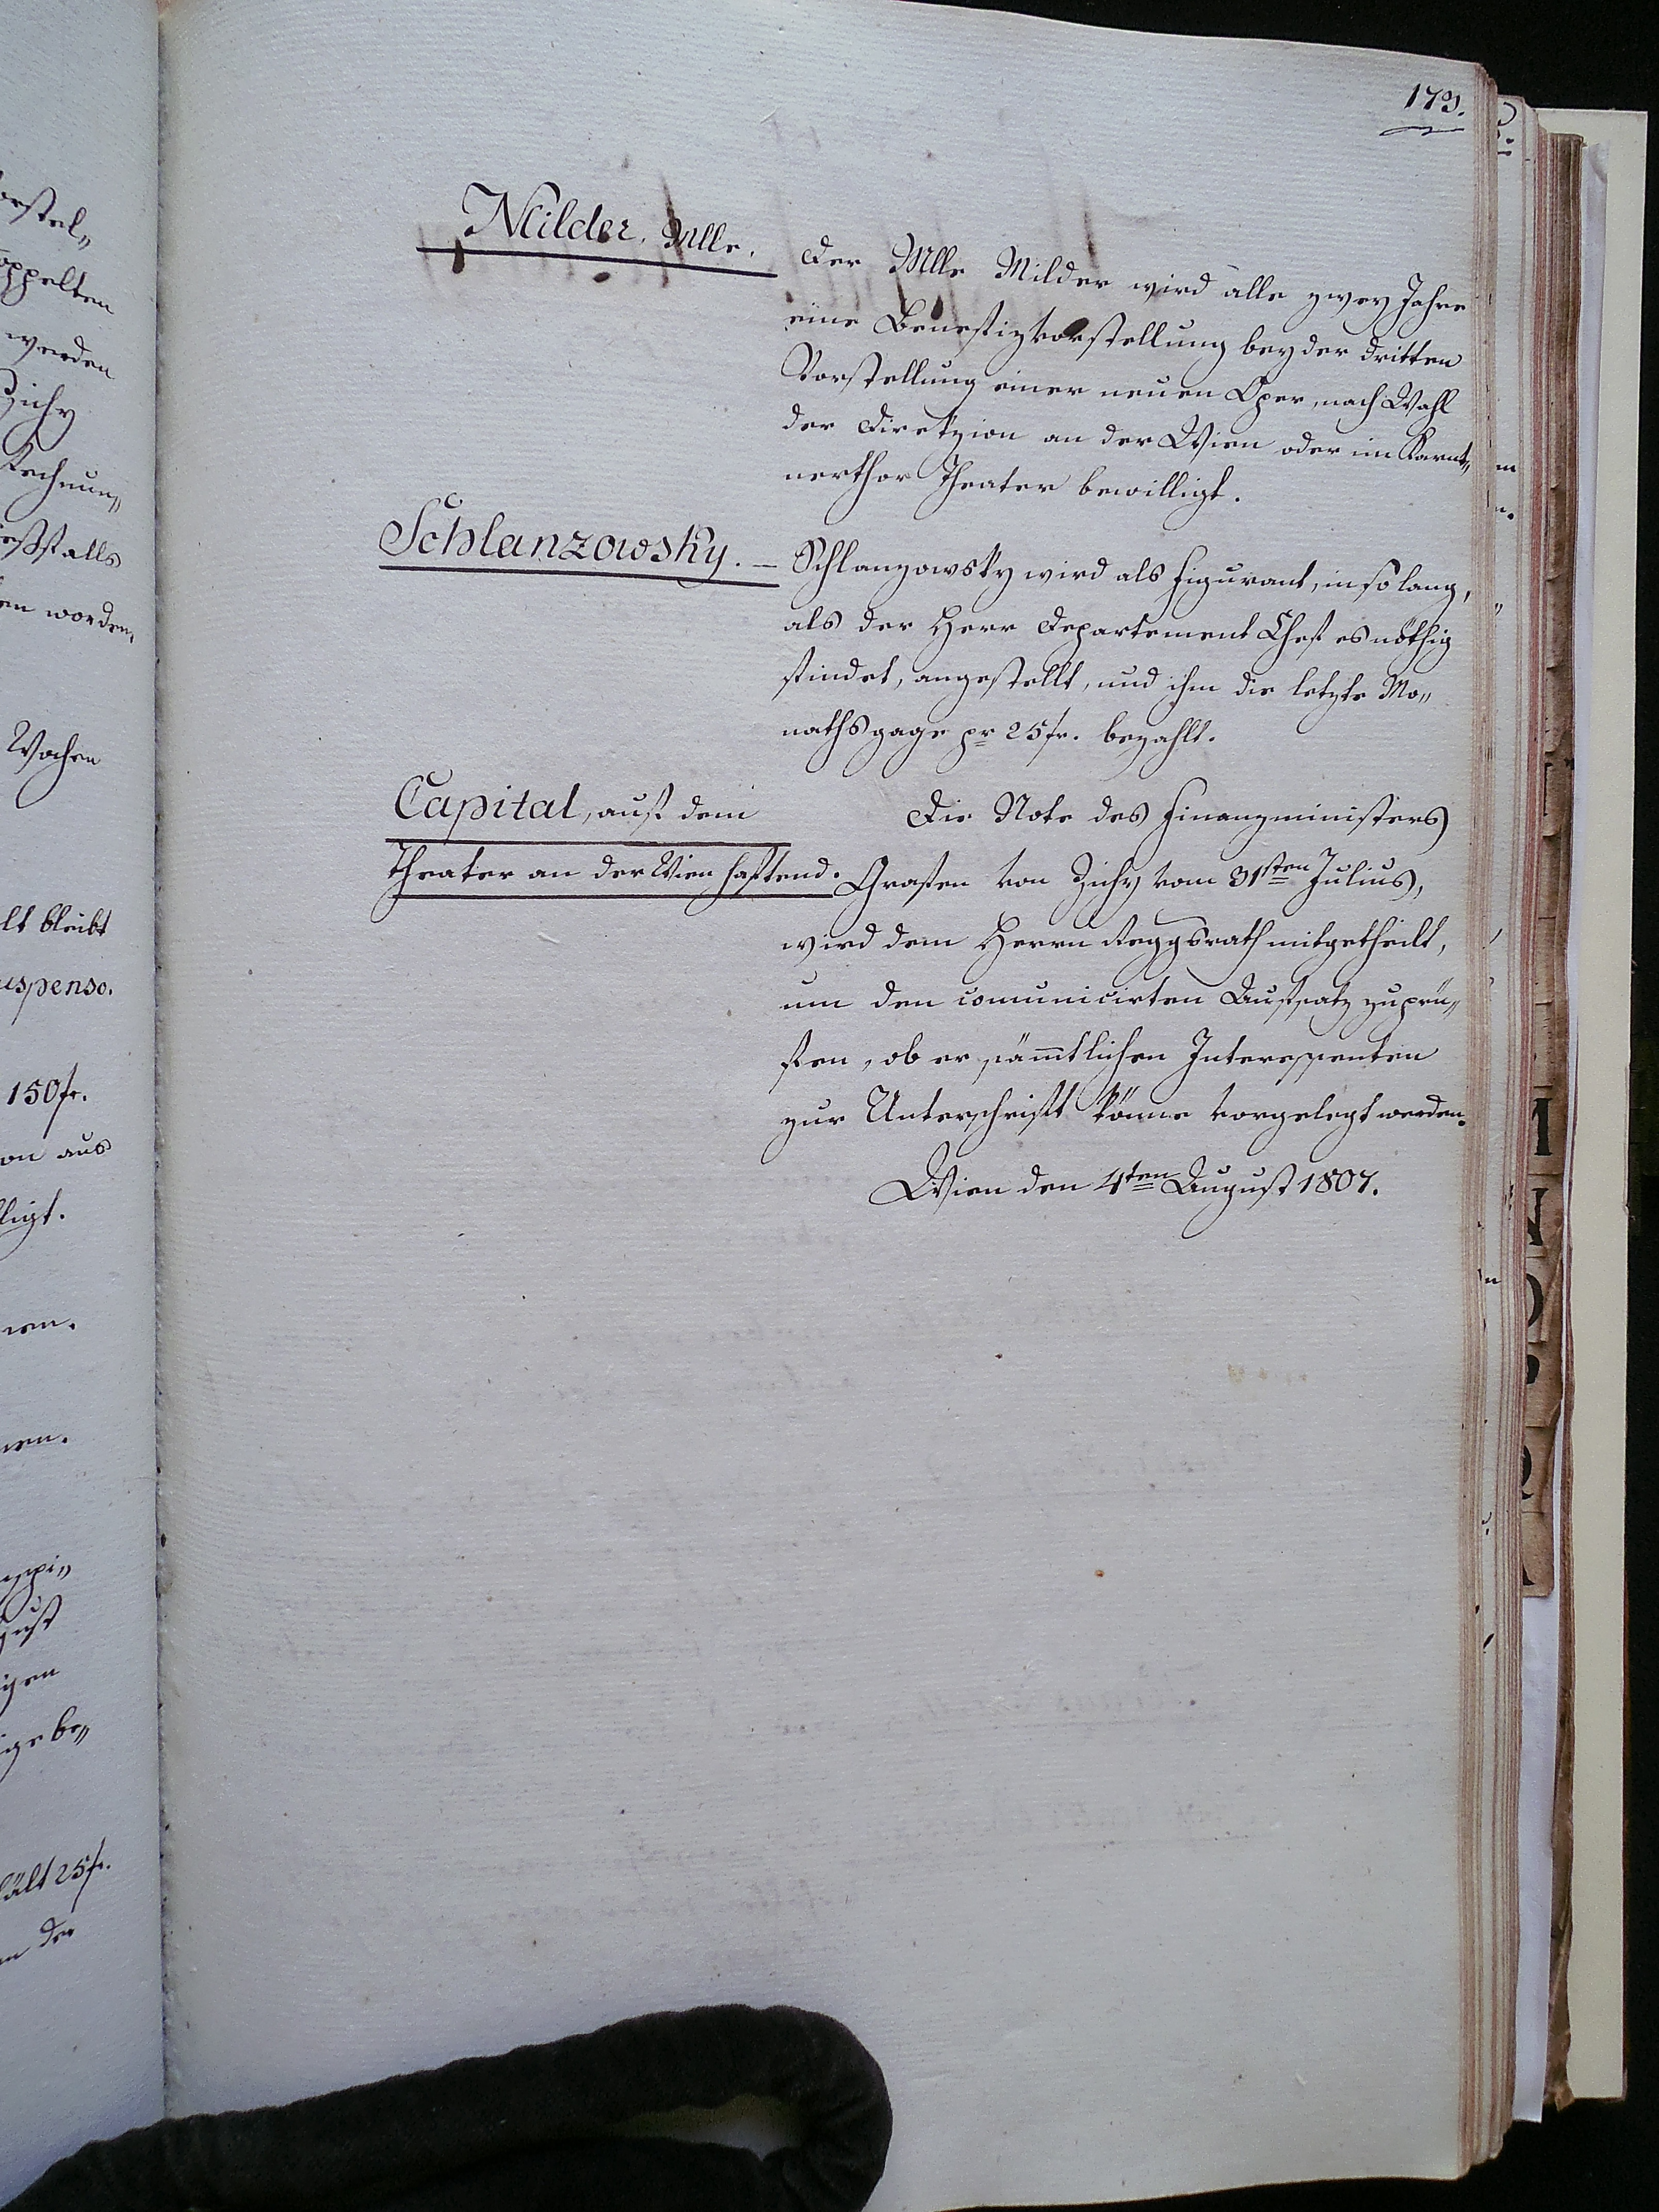173.
Milder, Mlle. Der Mlle Milder wird alle zwey Jahre
eine Benefizvorstellung bey der dritten
Vorstellung einer neuen Oper nach Wahl
der Direkzion an der Wien oder im Karnt¬
nerthor Theater bewilligt.
Schlanzowsky. _ Schlanzowsky wird als Figurant, in solang,
als der Herr Departement Chef es nöthig
findet, angestellt, und ihm die letzte Mo¬
nathsgage pr͇ 25fr. bezahlt.
Capital, auf dem
Theater an der Wien haltend.
Die Note des Finanzministers
Grafen von Zichy vom 31te͇n Julius,
wird dem Herrn Reg͞gsrath mitgetheilt,
um den comunicirten Aufsatz zuprü¬
fen, ob er säm̅tlichen Interessenten
zur Unterschrift könne vorgelegt werden.
Wien den 4te͇n August 1807.